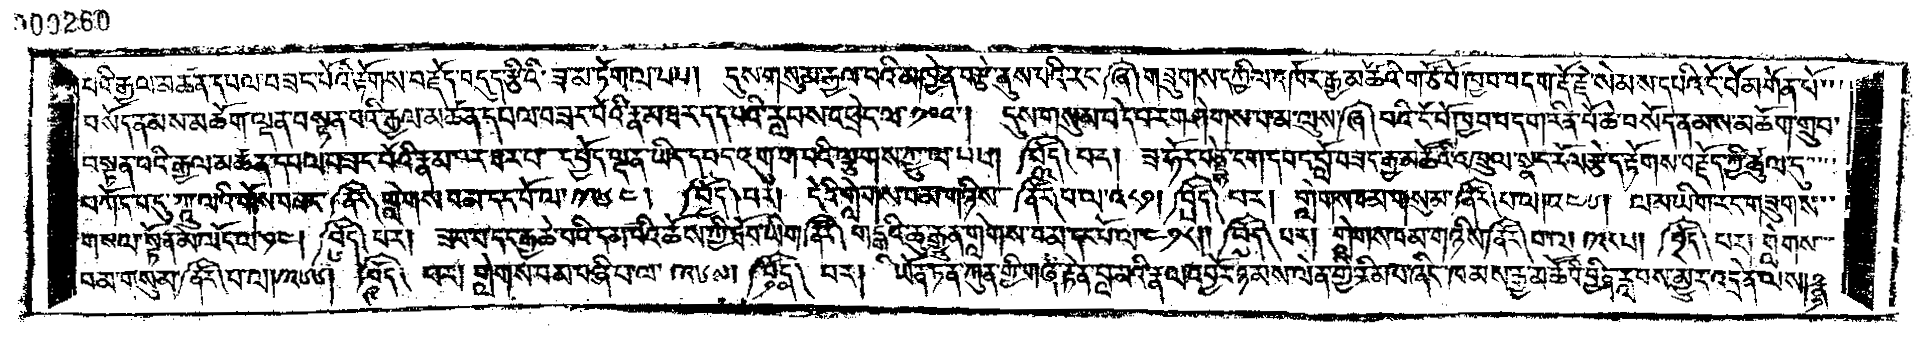པའི་རྒྱལ་མཚན་དཔལ་བཟང་པོའི་རྟོགས་བརྗོད་བདུད་རྩིའི་ཟ་མ་ཏོག་ལ ༥༥། དུས་གསུམ་རྒྱལ་བའི་མཁྱེན་བརྩེ་ནུས་པའི་རང ༼ཞ༽ གཟུགས་དཀྱིལ་འཁོར་རྒྱ་མཚོའི་གཙོ་བོ་ཁྱབ་བདག་རྡོ་རྗེ་སེམས་དཔའི་ངོ་བོ་མགོན་པོ་
བསོད་ནམས་མཆོག་ལྡན་བསྟན་པའི་རྒྱལ་མཚན་དཔལ་བཟང་པོའི་རྣམ་ཐར་དད་པའི་རླབས་འཕྲེང་ལ ༡༠༢། དུས་གསུམ་བདེ་བར་གཤེགས་པ་མ་ལུས ༼ཞ༽ པའི་ངོ་བོ་ཁྱབ་བདག་རིན་པོ་ཆེ་བསོད་ནམས་མཆོག་གྲུབ་
བསྟན་པའི་རྒྱལ་མཚན་དཔལ་བཟང་པོའི་རྣམ་པར་ཐར་བ་དཔྱོད་ལྡན་ཡིད་དབང་འགུག་པའི་ལྕགས་ཀྱུ་ལ ༥༥། ༼པོད༣༽ པར། ཟ་ཧོར་བེནྡྷ་ངག་དབང་བློ་བཟང་རྒྱ་མཚོའི་འཁྲུལ་སྣང་རོལ་རྩེད་རྟོགས་བརྗོད་ཀྱི་ཚུལ་དུ་
བཀོད་པ་དུ་ཀཱུ་ལའི་གོས་བཟང ༼ནོར༽ གླེགས་བམ་དང་པོ་ལ ༣༦༤། ༼བོད༤༽ པར། དེའི་གླེགས་བམ་གཉིས ༼ནོར༽ བ་ལ ༢༨༡། ༼བོད༥༽ པར། གླེགས་བམ་གསུམ ༼ནོར༽ པ་ལ། ༢༤༦། ལམ་ཡིག་རང་གཟུགས་
གསལ་སྟོན་མེ་ལོང་ལ ༡༤། ༼བོད༦༽ པར། ཟབ་བ་དང་རྒྱ་ཆེ་བའི་དམ་པའི་ཆོས་ཀྱི་ཐོབ་ཡིག ༼ནོར༽ གངྒའི་ཆུ་རྒྱུན་གླེགས་བམ་དང་པོ་ལ ༤༡༨།། ༼བོད༧༽ པར། གླེགས་བམ་གཉིས ༼ནོར༽ པ་ལ། ༣༨༥། ༼བོད༨༽ པར། གླེགས་
བམ་གསུམ ༼ནོར༽ པ་ལ། ༣༦། ༼བོད༩༽ པར། གླེགས་བམ་བཞི་པ་ལ ༣༥༧། ༼བོད༡༠༽ པར། ཡོན་ཏན་གྱི་གཞི་རྟེན་བླ་མའི་རྣལ་འབྱོར་ཉམས་ལེན་གྱི་རིམ་པ་ཞིང་ཁམས་རྒྱ་མཚོའི་བྱིན་རླབས་མྱུར་འདྲེན་ལས། ༡ན༡